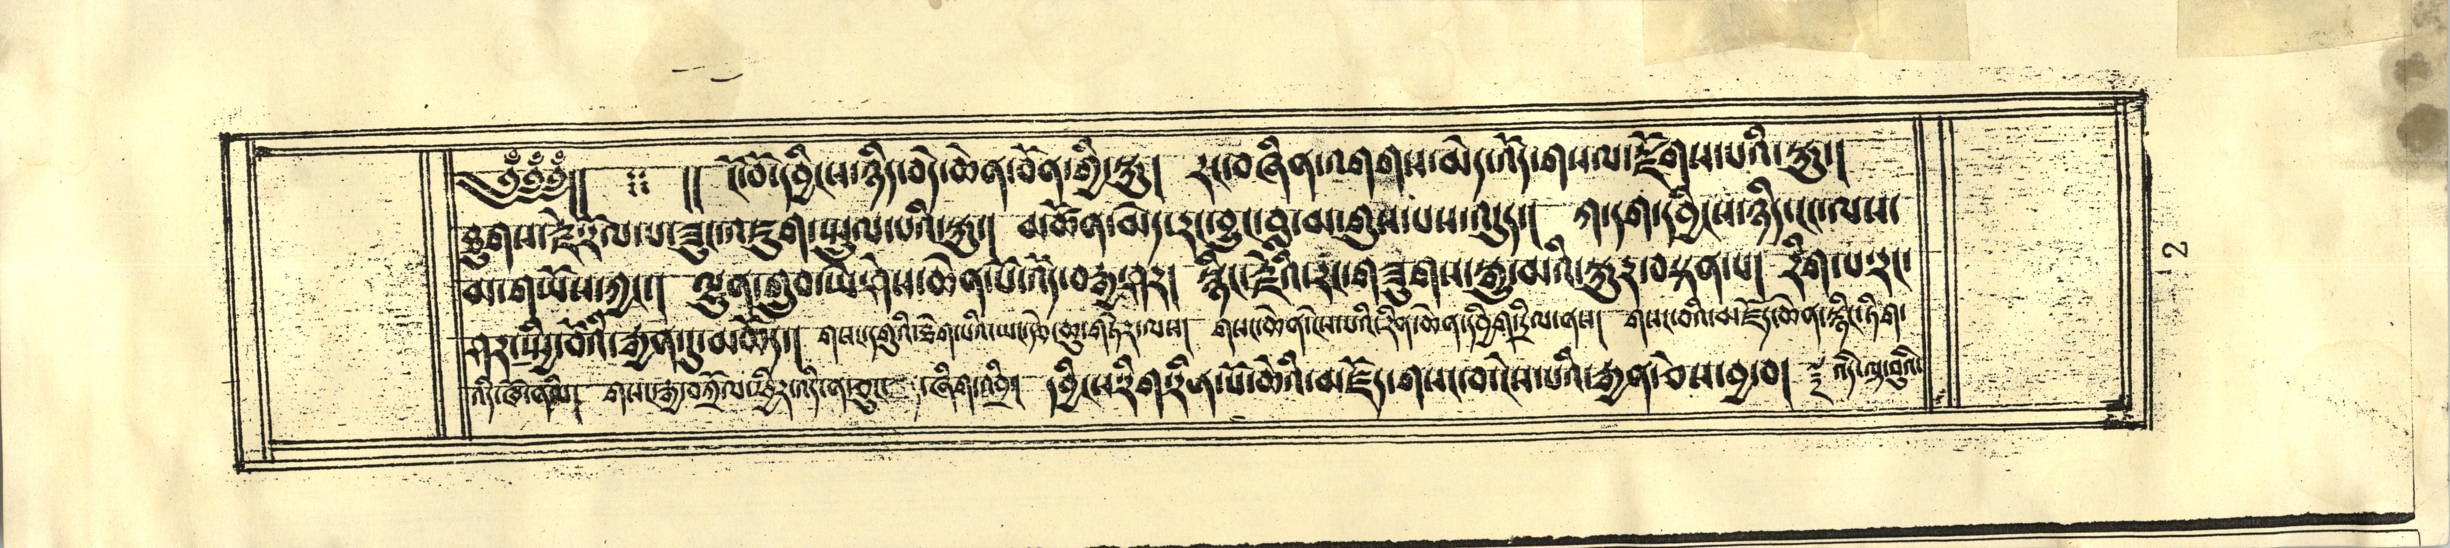༄༅།། །།ངོ་བོ་དབྱིངས་ཉིད་བདེ་ཆེན་བོན་གྱི་སྐུ། །རང་བཞིན་འགག་མེད་འོད་གསལ་རྫོགས་པའི་སྐུ། །
ཐུགས་རྗེ་རོལ་པ་ཟུང་འཇུག་སྤྲུལ་པའི་སྐུ། །མཚོན་མེད་རང་འབྱུང་བླ་མ་གུས་པས་འདུད། །ཀ་དག་དབྱིངས་ཉིད་ངང་ལས་
མ་གཡོས་ཀྱང་། ལྷུན་གྲུབ་ཡེ་ཤེས་ཆེན་པོ་འོད་བརྒྱ་ཤར། སྙིང་རྗེའི་རང་གཟུགས་སྒྱུ་མའི་སྐུར་བསྟན་པ། རིག་པ་རང་
ཤར་སྤྱི་བོའི་རྒྱན་དུ་མཆོད། གསང་དགུའི་ཐེག་པའི་ཡང་རྩེ་ཆུ་གཏེར་ལས། གསང་ཆེན་ངེས་པའི་རིན་ཆེན་དབྱིག་དྲིལ་ནས། གསང་བའི་མཛོད་ཆེན་སྙིང་ཐིག་
འདི་ཁོ་ནམ། གསང་རྒྱ་བཀྲོལ་ཕྱིར་འདི་ན་ཅུང་ཞིག་འབྲི། །དབྱིངས་རིག་རིན་པོ་ཆེ་གསང་བ་ངེས་པའི་རྒྱན་ཅེས་བྱ་བ། ༧ འདི་ལྟ་བུའི་